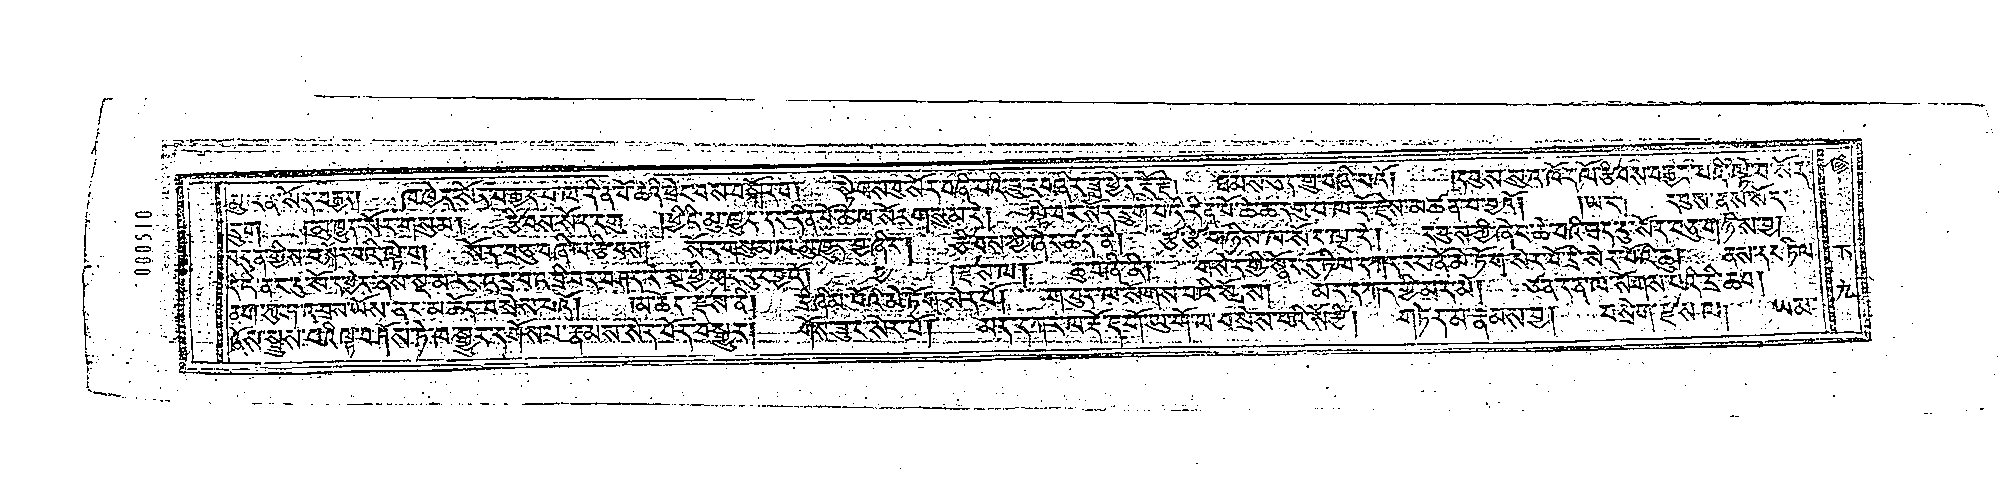མུ་རན་སོར་བརྒྱད། ཁ་ཁྱེར་སོར་བརྒྱད་པ་ལ་རིན་པོ་ཆེའི་ཕྲེང་བས་བསྐོར་བ། སྟེགས་བུ་སོར་བཞི་པའི་ཟུར་བཞིར་ཟླ་ཕྱེད་རྡོ་རྗེ། ཐམས་ཅད་གྲུ་བཞི་པའོ། །དབུས་སུ་འཁོར་ལོ་རྩིབས་བརྒྱད་པའི་ལྟེ་བ་སོར་
དྲུག །མུ་ཁྱུད་སོར་གསུམ། རྩིབས་སོ་ར་དགུ །ཕྱིའི་མུ་ཁྱུང་དང་རིན་པོ་ཆེ་ལ་སོར་གསུམ་རེ། ལྟེ་བར་སོར་དྲུག་པའི་རིན་པོ་ཆེ་ཆ་དགུ་པ་ལ་རྡོ་རྗེས་མཚན་པ་བྱའོ། །ཡང་། དབུས་ནས་སོར་
བདུན་གྱིས་བསྐོར་བའི་ལྟེ་བ། སོར་བཅུ་བཞི་ལ་རྩི་བས། སོར་གསུམ་ལ་མུ་ཁྱུད་བྱ་ཞིང་། རྩིབས་ཀྱི་ཞིང་ཚད་ནི། རྩ་རྩེ་གཉིས་ལ་སོར་ལྔ་རེ། དབུས་ཀྱི་ཞེང་ཆེ་བའི་ཐད་དུ་སོར་བཅུ་གཉིས་བྱ།
དེའི་ནང་དུ་སོར་ཕྱེད་ནས་སྔ་མ་དང་འདྲ་བ་འབྲི་བར་བཤད་དེ་སྔ་ཕྱི་གང་རུང་བྱའོ། ༧་།རྫས་ལ། ཆུ་བཞི་ནི། གསེར་གྱི་སྣོང་དུ་ཏིལ་དཀར་དང་ཞོ་མེ་ཏོག་སེར་པོ་དྲི་སེར་པོའི་ཆུ། ནས་དང་ཏིལ་
ནག་ཀུ་ཤ་འབྲས་ཡོས་ནང་མཆོད་བསྲེས་པའོ། །མཆོད་རྫས་ནི། དྲི་ཞིམ་བོའི་མེ་ཏོག་སེར་པོ། ག་བུར་ལ་སོགས་པའི་སྤོས། མར་དཀར་གྱི་མར་མེ། ཙན་དན་ལ་སོགས་པའི་དྲི་ཆབ།
ཞོས?་སྦྲུས་པའི་ལྟ་བཤོས་ཏེ་ཁ་སྒྱུར་དགོས་པ་རྣམས་སེར་བོར་བསྒྱུར། གོས་ཟུང་སེར་པོ། མར་དཀར་ལ་རྡོ་རྗེ་གོ་ཡུ་གོ་ལ་བསྲེས་བའི་སོ་རྩི། གཏེར་མ་རྣམས་བྱ། བསྲེག་རྫས་ལ། ཡམ་